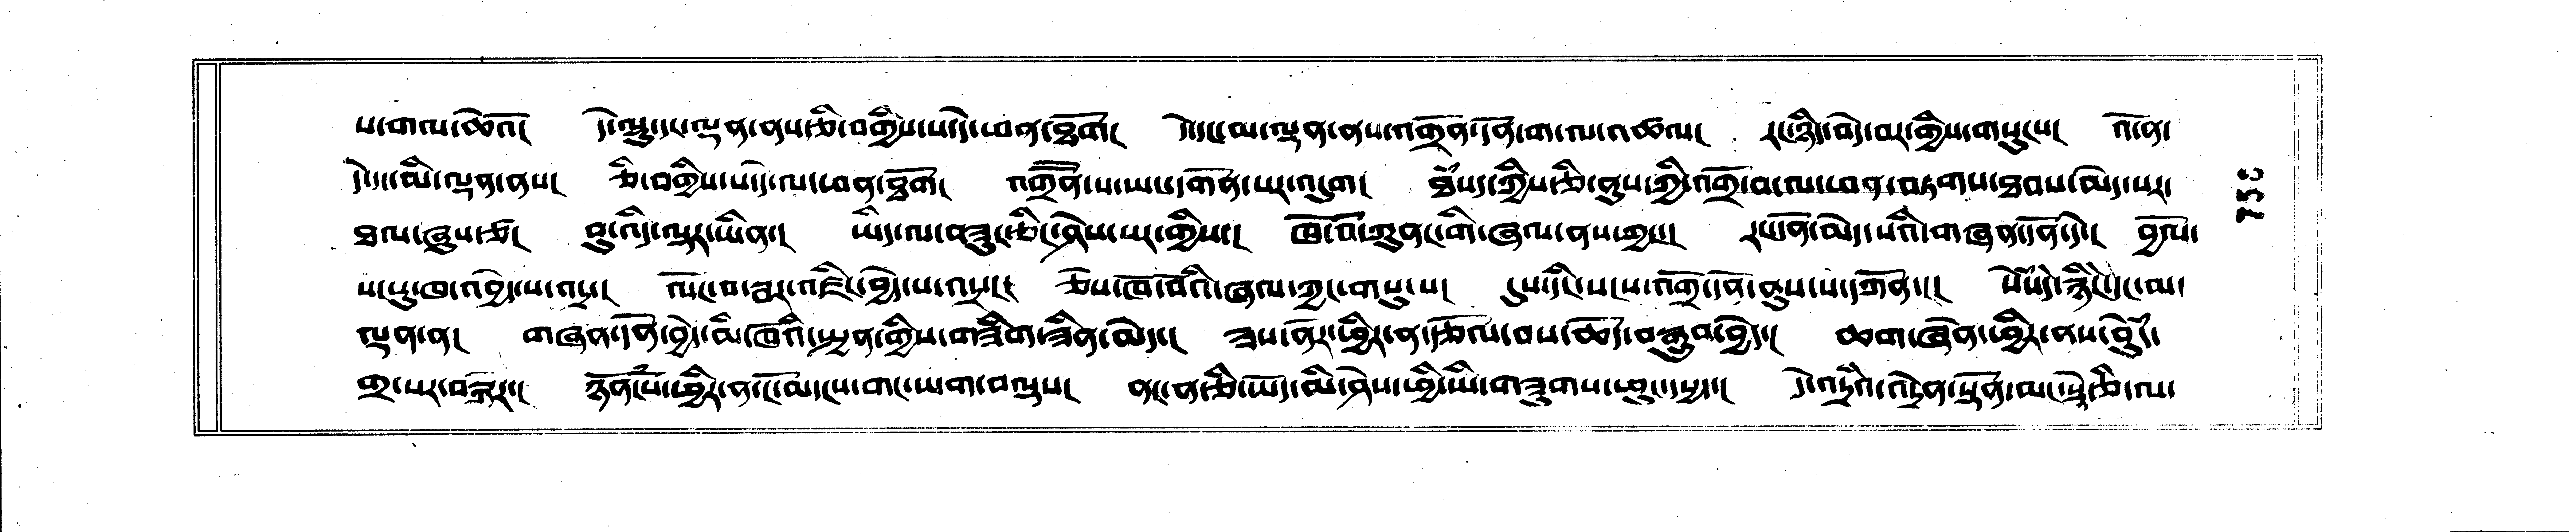པ་གལ་ཆེའོ། །དེ་ལྟ་བུ་དང་ལྡན་ནས་ཅི་བགྱིས་པ་དེ་ཕན་ཐོགས། དེ་དང་མ་ལྡན་ནས་འགྲོ་དོན་ག་ལ་འཚལ། རང་ཉིད་བདེ་བར་གྱིས་གསུངས། འོ་ན་
དེ་དང་མི་ལྡན་ནས་ཅི་བགྱིས་པ་དེ་ལ་ཕན་ཐོགས། འགྲོ་དོན་པ་ཡང་དགོན་༼དཀོན༽པར་འདུག ཐམས་ཅད་ཀྱི་ཅི་ནུས་ཀྱིས་འགྲོ་བ་ལ་ཕན་བཏགས་ཐབས་མེད་པར་
ཐལ། ཞུས་ཙ། བུ་འདི་ལྟར་ཡིན། ཡིད་ལ་ཟུངས་ཤིང་ཤེས་པར་གྱིས། ཁོ་བོ་ཀུན་བཟང་གི་ཞལ་ནས་ཀྱང་། རང་དོན་མེད་པའི་གཞན་དོན་དེ། བྱོལ་
སོང་རུ་ཁ་འགྱེད་པ་འདྲ། ལོང་བ་སྦར་འཛིང་བྱེད་པ་འདྲ། ཅེས་ཁོ་བོའི་ཞལ་ཀྱང་གསུངས། དུས་དེང་སང་འགྲོ་དོན་ནུས་པ་དཀོན། སེམས་བསྐྱེད་སྙིང་རྗེ་དང་མ་
ལྡན་ན། གཞན་དོན་བྱེད་མི་ཁོའི་སྤྱན་གྱིས་གཟིགས་ཟིན་མེད། ཟས་ནོར་ཕྱིར་ན་རྩོལ་བས་ཆེད་སྒྲུབ་བྱེད། ཆགས་ཞེན་ཕྱིར་ན་བུད་མེད་
གྲྭ་སར་བསྐོར། ཉོན་མོངས་ཕྱིར་ན་ངོ་མདངས་གང་ཡག་བལྟས། ནང་ན་ཅི་ཡོད་མི་ཤེས་ཕྱི་ཡི་གཟུགས་ཕུང་དཔྱད། དེ་འདྲའི་འདྲེན་སྟོན་མང་སྟེ་ཅི་ལ་